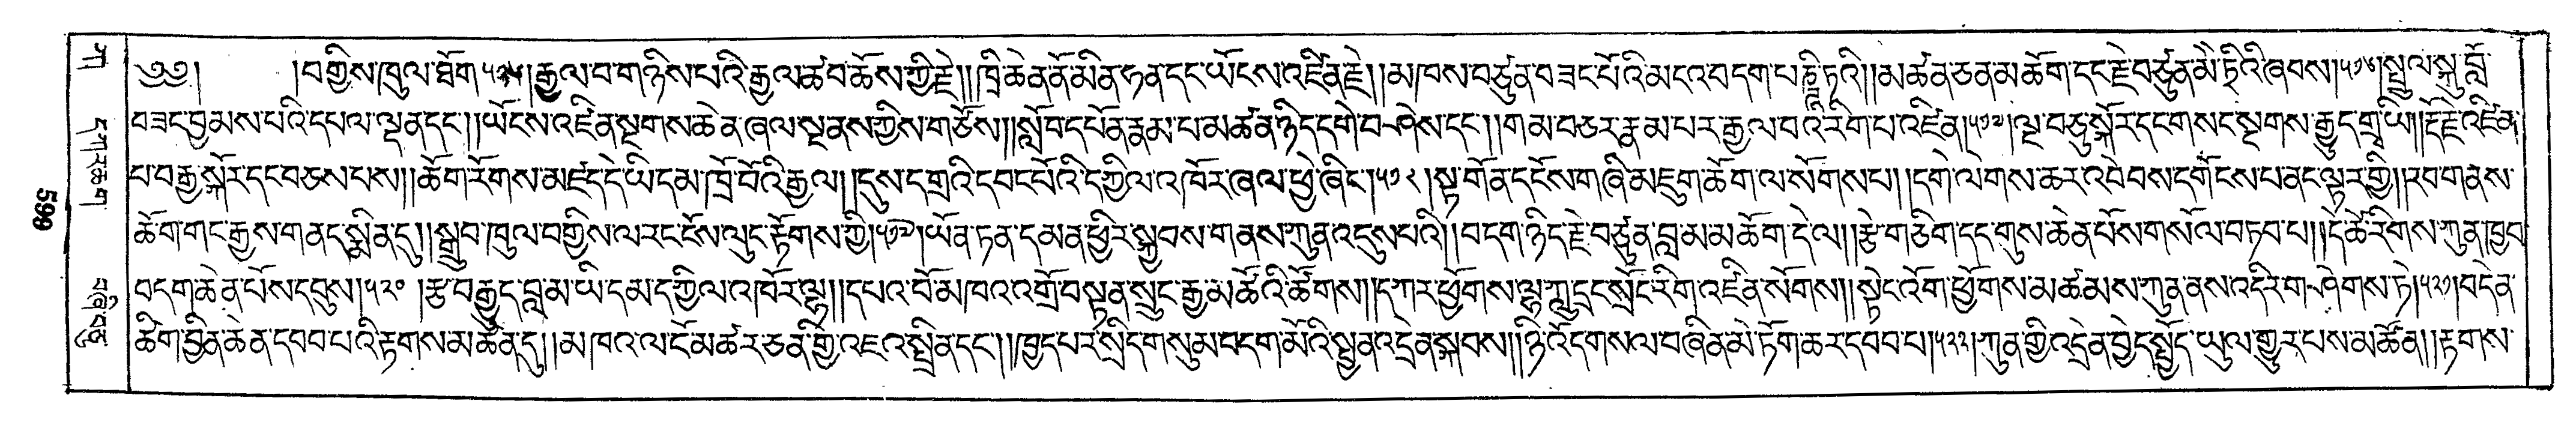༄༅། །བགྱིས་ཁུལ་ཐོག ༥༡༥་།རྒྱལ་བ་གཉིས་པའི་རྒྱལ་ཚབ་ཆོས་གྱི་རྗེ། །ཁྲི་ཆེན་ནོ་མིན་ཧན་དང་ཡོངས་འཛིན་རྗེ། །མཁས་བཙུན་བཟང་པོའི་མངའ་བདག་པཎྜི་ཏའི། །མཚན་ཅན་མཆོག་དང་རྗེ་བཙུན་མཻ་ཏྲིའི་ཞབས། ༥༡༦་།སྤྲུལ་སྐུ་བློ་
བཟང་བྱམས་པའི་དཔལ་ལྡན་དང་། །ཡོངས་འཛིན་སྔགས་ཆེན་ཞལ་སྔ་ནས་ཀྱིས་གཙོས། །སློབ་དཔོན་རྣམ་པ་མཚན་ཉིད་དགེ་བཤེས་དང་། །གམ་བཅར་རྣམ་པར་རྒྱལ་བའི་རིག་པ་འཛིན། ༥༡༧་།ལྔ་བཅུ་སྐོར་དང་གསང་སྔགས་རྒྱུད་གྲྭ་ཡི། །རྡོ་རྗེ་འཛིན་
པ་བརྒྱ་སྐོར་དང་བཅས་པས། །ཆོག་རོགས་མཛད་དེ་ཡི་དམ་ཁྲོ་བོའི་རྒྱལ། །དུས་དགྲའི་དབང་པོའི་དཀྱིལ་འཁོར་ཞལ་ཕྱེ་ཞིང་། ༥༡༨་།སྟ་གོན་དངོས་གཞི་མཇུག་ཆོག་ལ་སོགས་པ། །དགེ་ལེགས་ཆར་འབེབས་དགོངས་པ་ནང་ལྟར་གྱི། །རབ་གནས་
ཆོ་ག་གང་རྒྱས་གནང་སྨིན་དུ། །སྒྲུབ་ཁུལ་བགྱིས་ལ་རང་ངོས་ལུང་རྟོགས་ཀྱི། ༥༡༧་།ཡོན་ཏན་དམན་ཕྱིར་སྐྱབས་གནས་ཀུན་འདུས་པའི། །བདག་ཉིད་རྗེ་བཙུན་བླ་མ་མཆོག་དེ་ལ། །རྩེ་གཅིག་དད་གུས་ཆེན་པོས་གསོལ་བཏབ་པ། །དེ་ཚེ་རིགས་ཀུན་ཁྱབ་
བདག་ཆེན་པོས་དབུས། ༥༢༠་།རྩ་བརྒྱུད་བླ་མ་ཡི་དམ་དཀྱིལ་འཁོར་ལྷ། །དཔའ་བོ་མཁའ་འགྲོ་བསྟན་སྲུང་རྒྱ་མཚོའི་ཚོགས། །དཀར་ཕྱོགས་ལྷ་ཀླུ་དྲང་སྲོང་རིག་འཛིན་སོགས། །སྟེང་འོག་ཕྱོགས་མཚམས་ཀུན་ནས་འདིར་གཤེགས་ཏེ། ༥༡༡་།བདེན་
ཚིག་བྱིན་ཆེན་དབབ་པའི་རྟགས་མཆན་དུ། །མཁའ་ལ་ངོ་མཚར་ཅན་གྱི་འཇའ་སྤྲིན་དང་། །ཁྱད་པར་སྲིད་གསུམ་བདག་མོའི་སྤྱན་འདྲེན་སྐབས། །ཉི་འོད་གསལ་བཞིན་མེ་ཏོག་ཆར་དབབ་པ། ༥༢༢་།ཀུན་གྱི་འདྲེན་བྱེད་སྦྱོད་ཡུལ་གྱུར་པས་མཚོན། །རྟགས་